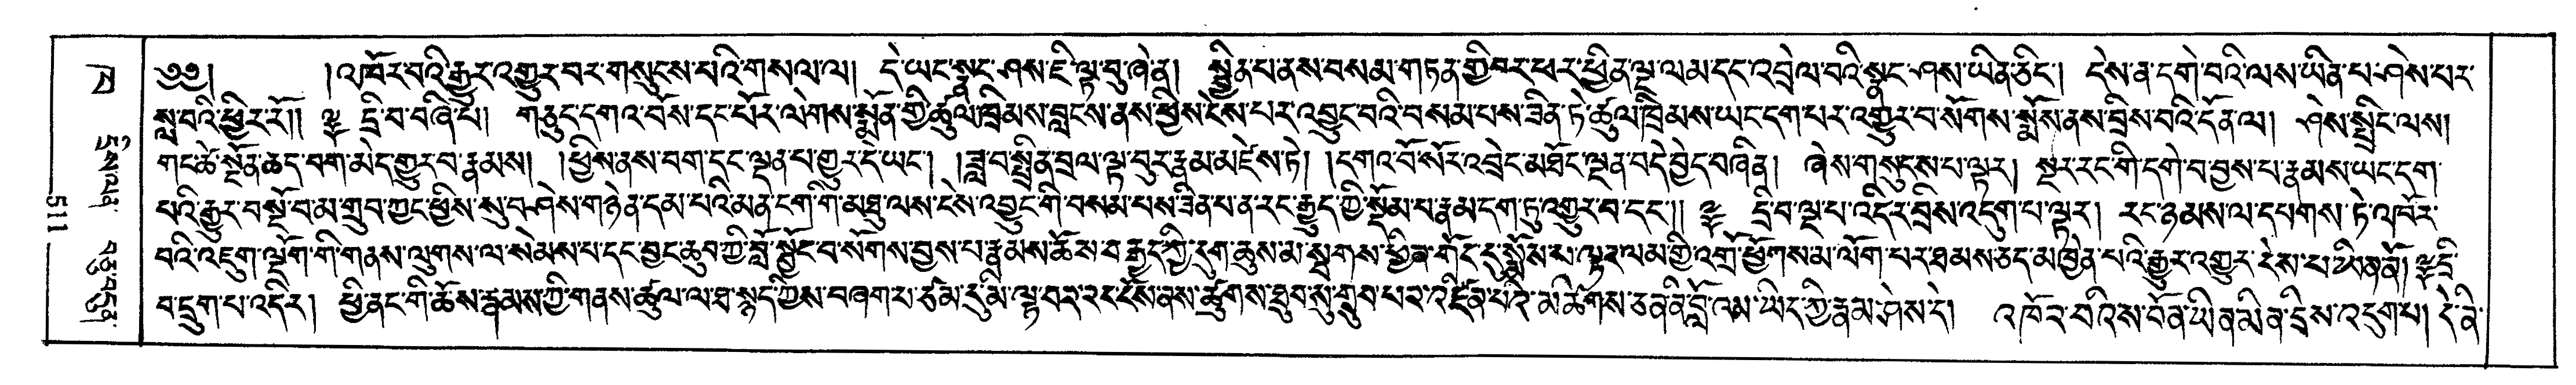༄༅། །འཁོར་བའི་རྒྱུར་འགྱུར་བར་གསུངས་པས་གསལ་ལ། དེ་ཡང་སྣང་ཤས་ཇི་ལྟ་བུ་ཞེ་ན། སྦྱིན་པ་ནས་བསམ་གཏན་གྱི་བར་ཕར་ཕྱིན་ལྔ་ལམ་དང་འབྲེལ་བའི་སྣང་ཤས་ཡིན་ཅིང་། དེས་ན་དགེ་བའི་ལས་ཡིན་པ་ཤེས་པར་
སླ་བའི་ཕྱིར་རོ།། ༈ དྲི་བ་བཞི་པ། གཅུང་དགའ་བོས་དང་པོར་ལེགས་སྨོན་གྱི་ཚུལ་ཁྲིམས་བླངས་ནས་ཕྱིས་ངོས་པར་འབྱུང་པའི་བསམ་པས་ཟིན་ཏེ་ཚུལ་ཁྲིམས་ཡང་དག་པར་འགྱུར་བ་སོགས་སྨོས་ནས་བྲིས་པའི་དོན་ལ། ཤེས་སྤྲིང་ལས།
གང་ཚེ་སྔོན་ཆད་བག་མེད་གྱུར་པ་རྣམས། །ཕྱིས་ནས་བག་དང་ལྡན་པ་གྱུར་དེ་ཡང་། །ཟླ་བ་སྤྲིན་བྲལ་ལྟ་བུར་རྣམ་མཛེས་ཏེ། །དགའ་བོ་སོར་འབྲེང་མཐོང་ལྡན་བདེ་བྱེད་བཞིན། ཞེས་གསུངས་པ་ལྟར། སྔར་རང་གི་དགེ་བ་བྱས་པ་རྣམས་ཡང་དག་
པའི་རྒྱུར་བསྔོ་བ་མ་གྲུབ་ཀྱང་ཕྱིས་སུ་བཤེས་གཉེན་དམ་པའི་མན་དྲག་གི་མཐུ་ལས་ངེས་འབྱུང་གི་བསམ་པས་ཟིན་པ་ན་རང་རྒྱུད་ཀྱི་སྡོམ་པ་རྣམ་དག་ཏུ་འགྱུར་བ་དང།། ༈ དྲི་བ་ལྔ་པ་འདིར་བྲིས་འདུག་པ་ལྟར། རང་ཉམས་ལ་དཔགས་ཏེ་འཁོར་
བའི་འཇུག་ལྡོག་གི་གནས་ལུགས་ལ་སེམས་པ་དང་བྱང་ཆུབ་ཀྱི་བློ་སྦྱོང་བ་སོགས་བྱས་པ་རྣམས་ཆོས་བརྒྱད་ཀྱི་དུག་ཆུས་མ་སྦགས་ཕྱིན་གོང་དུ་སྨོས་པ་ལྟར་ལམ་གྱི་འགྲོ་ཕྱོགས་མ་ལོག་པར་ཐམས་ཅད་མཁྱེན་པའི་རྒྱུར་འགྱུར་ངེས་པ་ཡིན་ནོ།། ༈ དྲི་
བ་དྲུག་པ་འདིར། ཕྱི་ནང་གི་ཆོས་རྣམས་ཀྱི་གནས་ཚུལ་ལ་ཐ་སྙད་ཀྱིས་བཞག་པ་ཙམ་དུ་མི་ལྟ་བར་རང་ངོས་ནས་ཚུགས་ཐུབ་ཏུ་གྲུབ་པར་འཛིན་པའི་མ་རིག་པ་ཅན་གྱི་བློའམ་ཡིད་ཀྱི་རྣམ་ཤེས་དེ། འཁོར་བའི་ས་བོན་ཡིན་མིན་དྲིས་འདུག་པ། དེ་ནི་